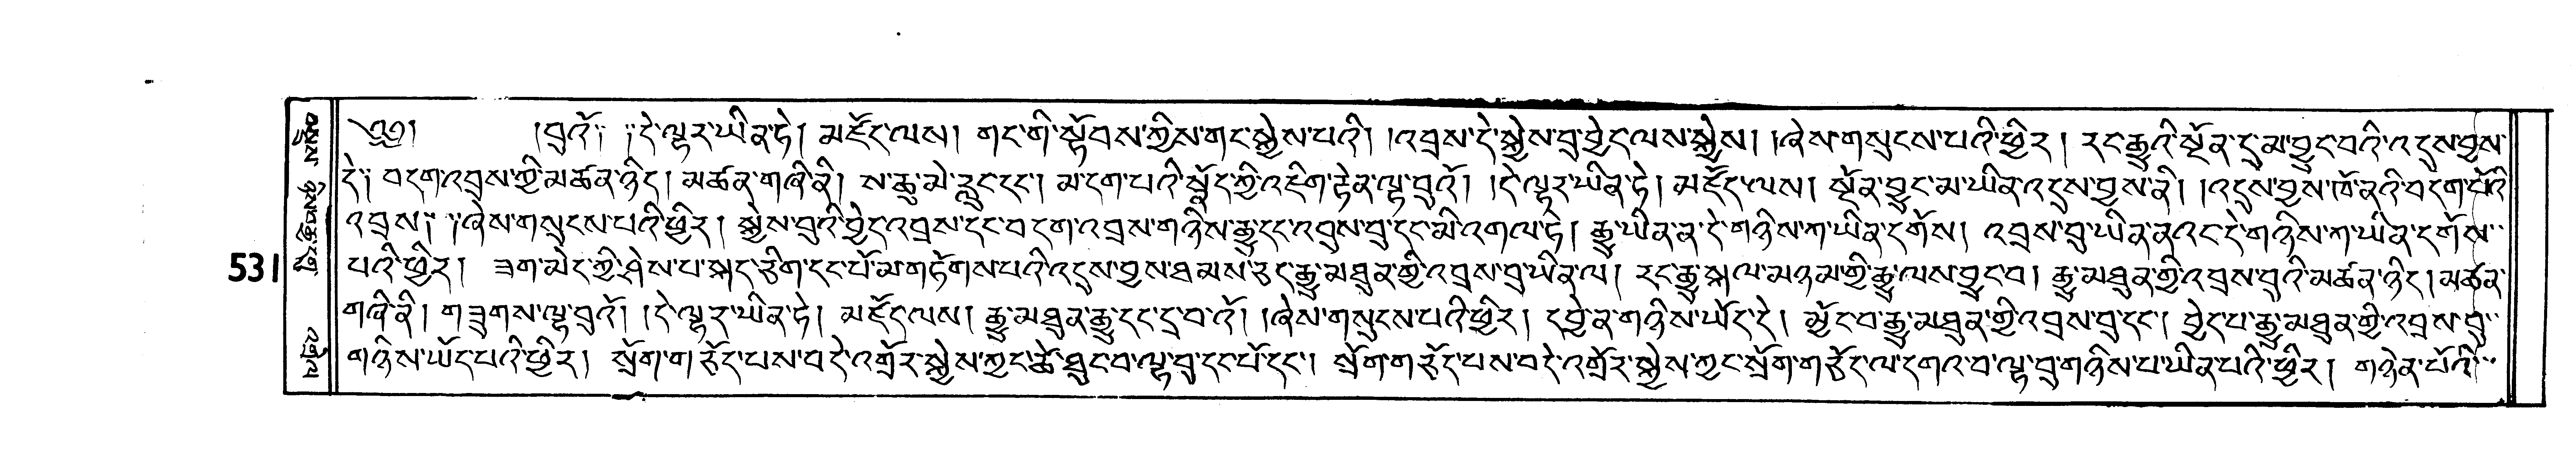༄༅། །བུའོ༑ ༑དེ་ལྟར་ཡིན་ཏེ། མཛོད་ལས། གང་གི་སྟོབས་ཀྱིས་གང་སྐྱེས་པའི། །འབྲས་དེ་སྐྱེས་བུ་བྱེད་ལས་སྐྱེས། །ཞེས་གསུངས་པའི་ཕྱིར། རང་རྒྱུའི་སྔོན་དུ་མ་བྱུང་བའི་འདུས་བྱས་
དེ༑ བདག་འབྲས་ཀྱི་མཚན་ཉིད། མཚན་གཞི་ནི། ས་ཆུ་མེ་རླུང་དང་། མ་དག་པའི་སྣོད་ཀྱི་འཇིག་རྟེན་ལྟ་བུའོ། །དེ་ལྟར་ཡིན་ཏེ། མཛོད་ལས། སྔོན་བྱུང་མ་ཡིན་འདུས་བྱས་ནི། །འདུས་བྱས་ཁོ་ནའི་བདག་པོའི་
འབྲས༑ ༑ཞེས་གསུངས་པའི་ཕྱིར། སྐྱེས་བུའི་བྱེད་འབྲས་དང་བདག་འབྲས་གཉིས་རྒྱུ་དང་འབྲས་བུ་དང་མི་འགལ་ཏེ། རྒྱུ་ཡིན་ན་དེ་གཉིས་ཀ་ཡིན་དགོས། འབྲས་བུ་ཡིན་ནའང་དེ་གཉིས་ཀ་ཡིན་དགོས་
པའི་ཕྱིར། ཟག་མེད་ཀྱི་ཤེས་པ་སྐད་ཅིག་དང་པོ་མ་གཏོགས་པའི་འདུས་བྱས་ཐམས་ཅད་རྒྱུ་མཐུན་གྱི་འབྲས་བུ་ཡིན་ལ། རང་རྒྱུ་སྐལ་མཉམ་གྱི་རྒྱུ་ལས་བྱུང་བ། རྒྱུ་མཐུན་གྱི་འབྲས་བུའི་མཚན་ཉིད། མཚན་
གཞི་ནི། གཟུགས་ལྟ་བུའོ། །དེ་ལྟར་ཡིན་ཏེ། མཛོད་ལས། རྒྱུ་མཐུན་རྒྱུ་དང་དྲ་བའོ། །ཞེས་གསུངས་པའི་ཕྱིར། དབྱེ་ན་གཉིས་ཡོད་དེ། མྱོང་བ་རྒྱུ་མཐུན་གྱི་འབྲས་བུ་དང་། བྱེད་པ་རྒྱུ་མཐུན་གྱི་འབྲས་བུ་
གཉིས་ཡོད་པའི་ཕྱིར། སྲོག་གཅོད་པས་བདེ་འགྲོར་སྐྱེས་ཀྱང་ཚེ་ཐུང་བ་ལྟ་བུ་དང་པོ་དང་། སྲོག་གཅོད་པས་བདེ་འགྲོར་སྐྱེས་ཀྱང་སྲོག་གཅོད་ལ་དགའ་བ་ལྟ་བུ་གཉིས་པ་ཡིན་པའི་ཕྱིར། གཉེན་པོའི་